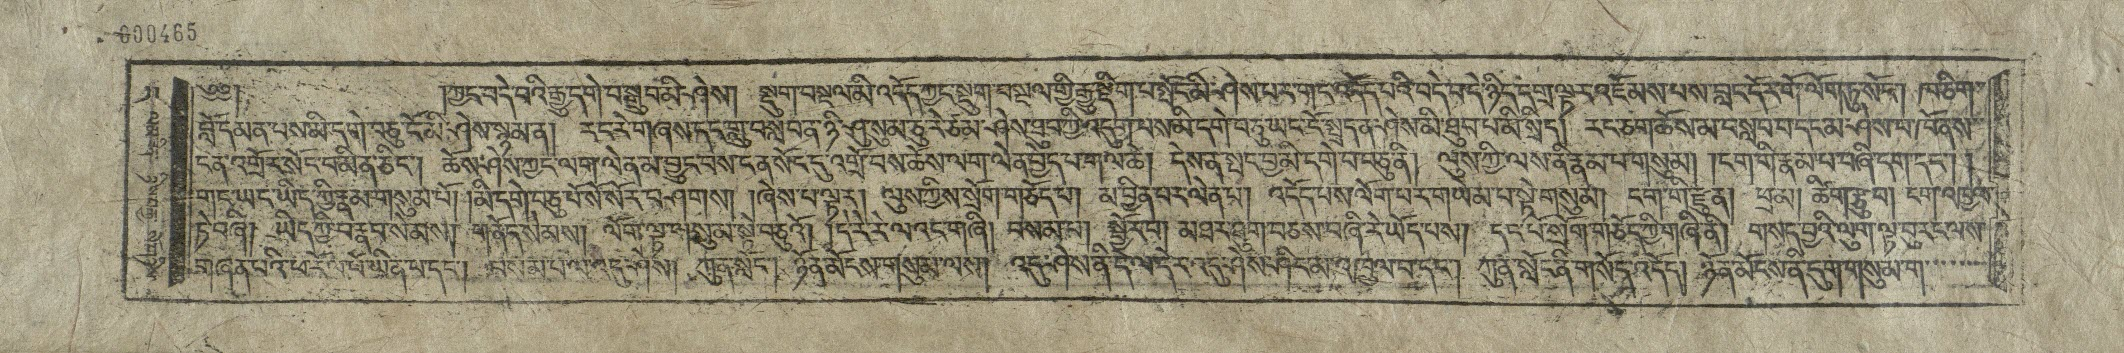༄༅། །ཀྱང་བདེ་བའི་རྒྱུ་དགེ་བ་སྒྲུབ་མི་ཤེས། སྡུག་བསྔལ་མི་འདོད་ཀྱང་སྡུག་བསྔལ་གྱི་རྒྱུ་སྡིག་པ་སྤོང་མི་ཤེས་པར་གང་འདོད་པའི་བདེ་བ་དེ་ཉིད་དགྲ་ལྟར་འཇོམས་པས་བླང་དོར་གོ་ལོག་ཏུ་སོང་། ཁ་ཅིག་
བློ་དམན་པས་མི་དགེ་བཅུ་ངོ་མི་ཤེས་སྙམ་ན། རང་རེ་གཞས་དང་གླུ་བསླབ་ན་ཉི་ཤུ་སུམ་ཅུ་རེ་ཙམ་ཤེས་ཐུབ་ཀྱི་འདུག་པས་མི་དགེ་བཅུ་ཡང་ངོ་སྤྲད་ན་ཤེས་མི་ཐུབ་པ་མི་སྲིད། རང་ཅག་ཆོས་མ་བསླབ་པ་དང་མ་ཤེས་པ་ཁོ་ནས་
ངན་འགྲོར་སོང་བ་མིན་ཅིང་། ཆོས་ཤེས་ཀྱང་ལག་ལེན་མ་བྱུང་བས་ངན་སོང་དུ་འགྲོ་བས་ཆོས་ལག་ལེན་བྱེད་པ་གལ་ཆེ། དེས་ན་སྤང་བྱ་མི་དགེ་བ་བཅུ་ནི། ལུས་ཀྱི་ལས་ནི་རྣམ་པ་གསུམ། །ངག་གི་རྣམ་པ་བཞི་དག་དང་། །
གང་ཡང་ཡིད་ཀྱི་རྣམ་གསུམ་པོ། །མི་དགེ་བཅུ་པོ་སོ་སོར་བཤགས། །ཞེས་པ་ལྟར། ལུས་ཀྱིས་སྲོག་གཅོད་པ། མ་བྱིན་པར་ལེན་པ། འདོད་པས་ལོག་པར་གཡེམ་པ་སྟེ་གསུམ། ངག་གི་རྫུན། ཕྲ་མ། ཚིག་རྩུབ། ངག་འཁྱལ་
ཏེ་བཞི། ཡིད་ཀྱི་བརྣབ་སེམས། གནོད་སེམས། ལོག་ལྟ་གསུམ་སྟེ་བཅུའོ། །དེ་རེ་རེ་ལའང་གཞི། བསམ་པ། སྦྱོར་བ། མཐར་ཐུག་བཅས་བཞི་རེ་ཡོད་པས། དང་པོ་སྲོག་གཅོད་ཀྱི་གཞི་ནི། གསད་བྱའི་ལུག་ལྟ་བུ་རང་ལས་
གཞན་པའི་ཕ་རོལ་པོ་ཡིན་པ་དང་། བསམ་པ་ལ་འདུ་ཤེས། ཀུན་སློང་། ཉོན་མོངས་གསུམ་ལས། འདུ་ཤེས་ནི་དེ་ལ་དེར་འདུ་ཤེས་ཤིང་མ་འཁྲུལ་བ་དང་། ཀུན་སློང་ནི་གསོད་འདོད། ཉོན་མོངས་ནི་དུག་གསུམ་ག་